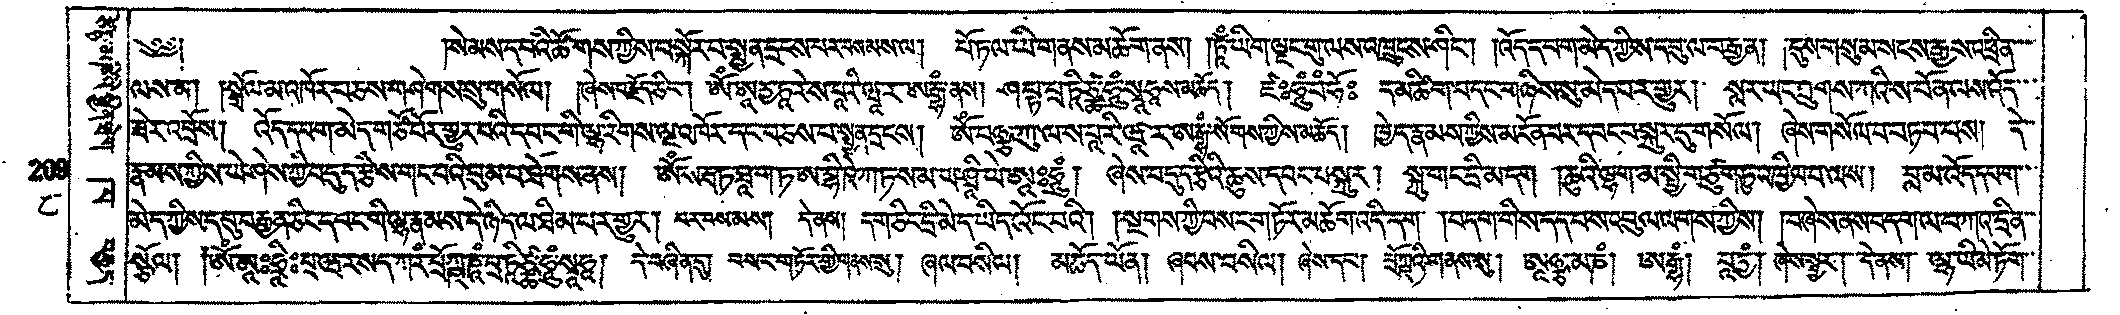༄༅། །སེམས་དཔའི་ཚོགས་ཀྱིས་བསྐོར་བ་སྤྱན་དྲངས་པར་བསམས་ལ། པོ་ཏ་ལ་ཡི་གནས་མཆོག་ནས། །ཏཱཾ་ཡིག་ལྗང་གུ་ལས་འཁྲུངས་ཤིང་། །འོད་དཔག་མེད་ཀྱིས་དབུ་ལ་བརྒྱན། །དུས་གསུམ་སངས་རྒྱས་འཕྲིན་་་
ལས་མ། །སྒྲོལ་མ་འཁོར་བཅས་གཤེགས་སུ་གསོལ། །ཞེས་བརྗོད་ཅིང་།  ཨོཾ་ཨཱརྱ་ཏཱ་རེ་ས་པཱ་རི་ཝཱ་ར་ཨརྒྷཾ་ནས། ཤཔྟ་པྲ་ཏཱིཙྪ་ཧཱུཾ་སྭཱ་ཧཱས་མཆོད། ཛ༑ ཧཱུཾ་བཾ་ཧོཿ དམ་ཚིག་པ་དང་གཉིས་སུ་མེད་བར་གྱུར། སླར་ཡང་ཐུགས་ཀའི་ས་བོན་ལས་འོད་་་
ཟེར་འཕྲོས། འོད་དཔག་མེད་གཙོ་བོར་གྱུར་བའི་དབང་གི་ལྷ་རིགས་ལྔ་འཁོར་དང་བཅས་པ་སྤྱན་དྲངས། ཨོཾ་པཉྩ་ཀུ་ལ་ས་པཱ་རི་ཝཱ་ར་ཨརྒྷཾ་སོགས་ཀྱིས་མཆོད། ཁྱེད་རྣམས་ཀྱིས་མངོན་པར་དབང་བསྐུར་དུ་གསོལ། ཞེས་གསོལ་བ་བཏབ་པས། དེ་་་
རྣམས་ཀྱིས་ཡེ་ཤེས་ཀྱི་བདུད་རྩིས་གང་བའི་བུམ་པ་ཐོགས་ནས། ཨོཾ་སརྦ་ཏ་ཐཱ་ག་ཏ་ཨ་བྷི་ཥེ་ཀ་ཏ་ས་མ་ཡ་ཤྲཱི་ཡེ་ཨཱཿ ཧཱུཾ། ཞེས་བདུད་རྩིའི་ཆུས་དབང་བསྐུར། སྐུ་གང་དྲི་མ་དག །ཆུའི་ལྷག་མ་སྤྱི་གཙུག་ཏུ་འཁྱིལ་བ་ལས། བླ་མ་འོད་དཔག་་་
མེད་ཀྱིས་དབུ་བརྒྱན་ཅིང་དབང་གི་ལྷ་རྣམས་དེ་ཉིད་ལ་ཐིམ་པར་གྱུར། པར་བསམས། དེ་ནས།  དག་ཅིང་དྲི་མེད་ཡིད་འོང་བའོ། །སྔགས་ཀྱི་བསང་གཏོར་མཆོག་འདི་དག །བདག་གིས་དད་པས་འབུལ་ལགས་ཀྱིས། །བཞེས་ནས་བདག་ལ་བཀའ་དྲིན་་་
སྩོལ། །ཨོཾ་ཨཱཿ ཧྲཱིཿ པྲ་ཝ་ར་སད་ཀ་རཾ་པྲོཀྵ་ཎཱཾ་པྲ་ཏཱིཙྪ་ཧཱུཾ་སྭཱཧཱ། དེ་བཞིན་དུ། བསང་གཏོར་གྱི་གནས་སུ།  ཞལ་བསིལ། མཆོད་ཡོན། ཞབས་བསིལ། ཞེས་དང་།  པྲོཀྵའི་གནས་སུ། ཨཱཉྩ་མ་ཎཾ། ཨརྒྷཾ། པཱདྱཾ། ཞེས་སྦྱར། དེ་ནས།  ལྷ་ཡི་མེ་ཏོག་་་